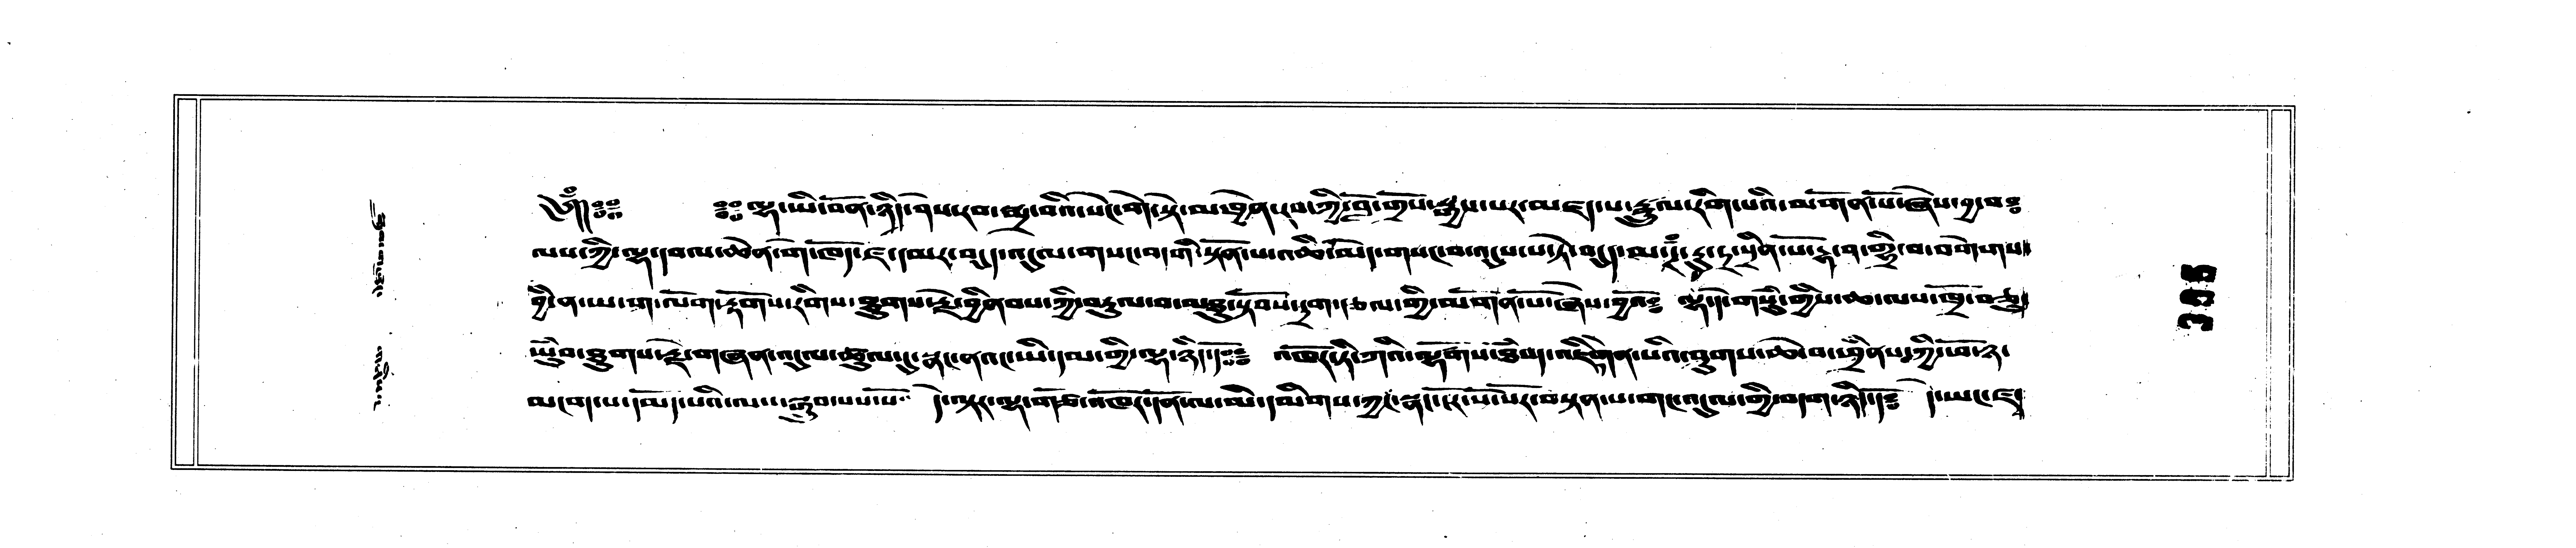༔༔ལྷ་ཡི་བོན་ཉིད་ཤེས་རབ་སྨྲ་བའི་སེང་གེ་སྟེ་མཁྱེན་རབ་ཀྱི་བློ་གྲོས་རྒྱས་པར་མཛད་པ་རྫུ་འཕྲུལ་རིག་པའི་མགོན་པོ་ཞེས་བྱ་བ༔ 
ལས་ཀྱི་ལྷ་དབལ་ཆེན་གོ་ཁོད་ཛྭོ་དམར་བདུད་འདུལ་གསང་བདག་གི་སྟོན་པ་འཆི་མེད་གསང་བ་འདུས་པ་ཏེ་བདུད་མ་ཊྃ་རུ་ཊ་སྲིན་པོ་དྷ་ཤ་གྷྲི་བ་བགེགས་
བྱིན་ན་ཡ་ག་ལོག་རྟོགས་ཐུགས་རྗེ་བྱིན་རླབས་ཀྱིས་བཏུལ་བ་མཐུ་སྟོབས་དྲག་རྩལ་གྱི་མགོན་པོ་ཞེས་བྱའོ༔ ལྷ་དེ་གསུམ་གྱིས་ཆ་ལས་ཁྲོ་བཅུ་
ཡབ་ཡུམ་ཐུགས་རྗེ་གཞན་འདུལ་ཚུལ་དུ་སྣང་ནའང་ཡི་དམ་གྱི་ལྷ་ཉིད་དོ༔༔ འཁོར་ཏི་ཀའི་ལྷ་ཚོགས་ཐམས་ཅད་འཇིག་རྟེན་པའི་ཤུགས་ཆེ་བ་ཕྲིན་ལས་ཀྱི་ཕོ་ཉ་
མངགས་པ་དམོད་པའི་ལས་སྒྲུབ་པས་སོ༔ དེ་ལྟར་ལྷ་གཙོ་འཁོར་དོན་ལ་མི་དམིགས་ཀྱང་སྣང་ངོར་སོ་སོར་བསྟན་པ་གང་འདུལ་གྱི་བདག་ཉིད་དོ༔ དེ་ཡང་ཛྭ་